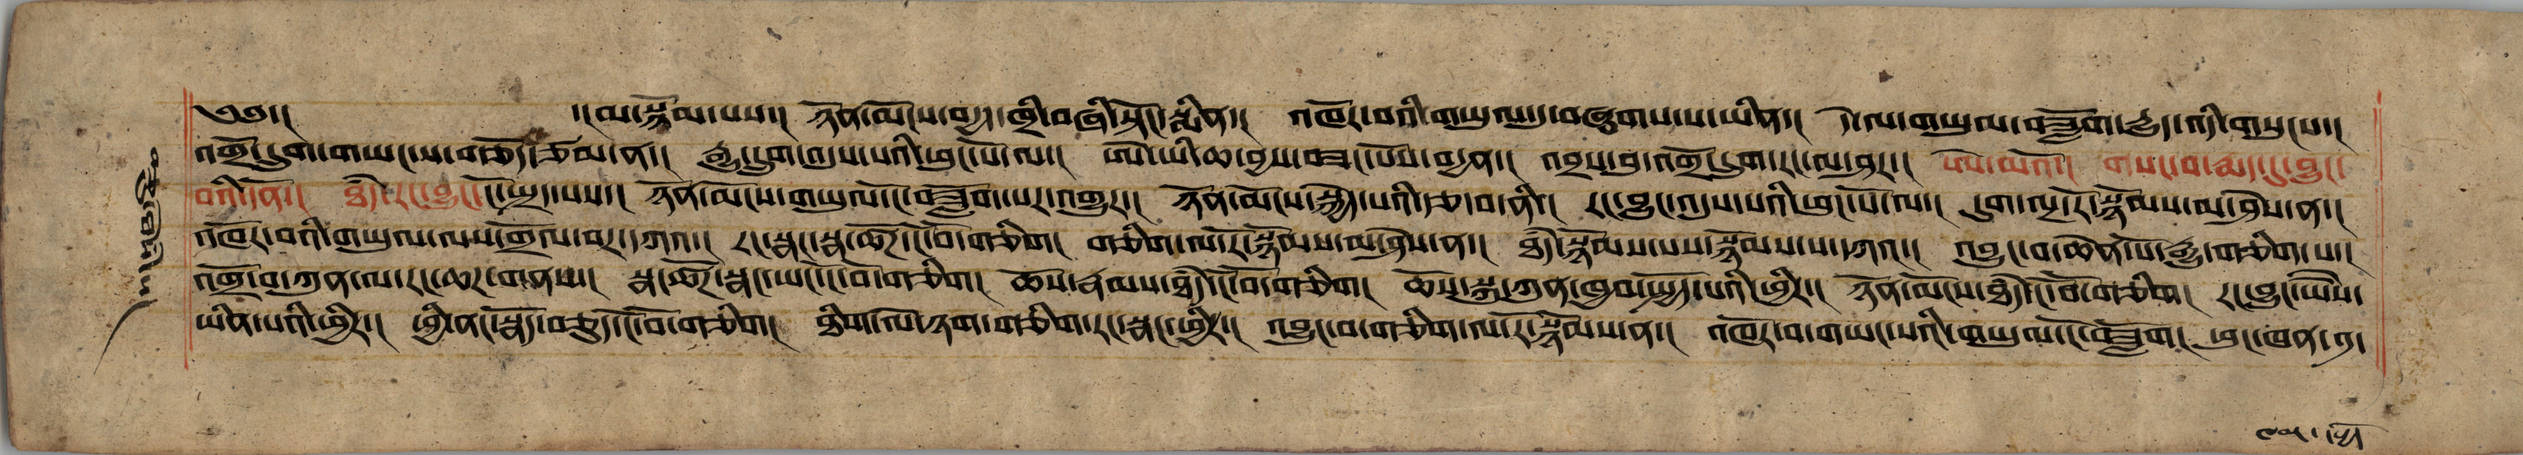༄༅་། ་།མ་སྙོམ་པས་། ཉོན་མོངས་བདྱད་ཁྲི་བཞི་སྟོང་སྨིན་། འཁོར་བའི་གཡུལ་དུ་བཞུགས་པ་ཡིན་། དེ་ལ་གཡུལ་བཟློག་དྱུད་འདི་གསུངས་།
འགྲོ་དྲུག་གཡང་ས་གཅོད་ཙམ་ན་། རྒྱུ་དྲུག་འདུས་པའི་ཕུང་པོ་ལ་། ཨོ་ཡི་ཆ་བྱས་བཟང་པོས་བདྱན་། འབྲས་བུ་འགྲོ་དྲུག་རང་ལ་ཤར་། ཨེ་མའོ་། གསང་བ་རྨད་དུ་བྱུངོ་
བའི་དོན་། ཐཾད་རང་བྱུང་ངོ་སྤྲད་བས་། ཉོན་མོངས་གཡུལ་ངོ་བཟློག་པར་འགྱུར་། ཉོན་མོངས་སྐྱེད་པའི་རྩ་བ་ནི་། རང་བྱུང་འདུས་པའི་ཕུང་པོ་ལ་། དུག་ལྔ་རོ་སྙོམས་མ་ཤེས་ན་།
འཁོར་བའི་གཡུལ་ལས་གྲོལ་བར་དགའ་། རང་སྣང་སྣ་ཚོཌ་ངོ་བོ་གཅིག། གཅིག་ལ་རོ་སྙོམས་མ་ཤེས་ན་། ཐཾད་སྙོམས་པས་སྙོམས་པདཀའ་། འབྱུང་བ་ཆེན་པོ་རྒྱུ་གཅིག་པ
འགྲོ་བ་ཀུན་ལ་རང་ཆཌ་གནས་། སྣ་ཚོཌ་སྣང་ཡང་ངོ་བོ་གཅིག། ཆོས་རྣམས་ཐཾད་ངོ་བོ་གཅིག་། ཆོས་སྐུ་ཀུན་ཁྱབ་སྤྱོད་པའི་ཕྱིར་། ཉོན་མོངས་ཐཾད་ངོ་བོ་གཅིག་། རང་བྱུང་ཡཻས་
ཡིན་པའི་ཕྱིར་། ཕྱི་ནང་སྣད་བཅུད་ངོ་བོ་གཅིག་། ཐིག་ལེ་ཉག་གཅིག་རང་སྣང་ཕྱིར་། འབྱུང་བ་གཅིག་ལ་རོ་སྙོམས་ན་། འཁོར་བ་གཡང་སའི་གཡུལ་ངོ་བཟློག། ཕུངཁན་༡་